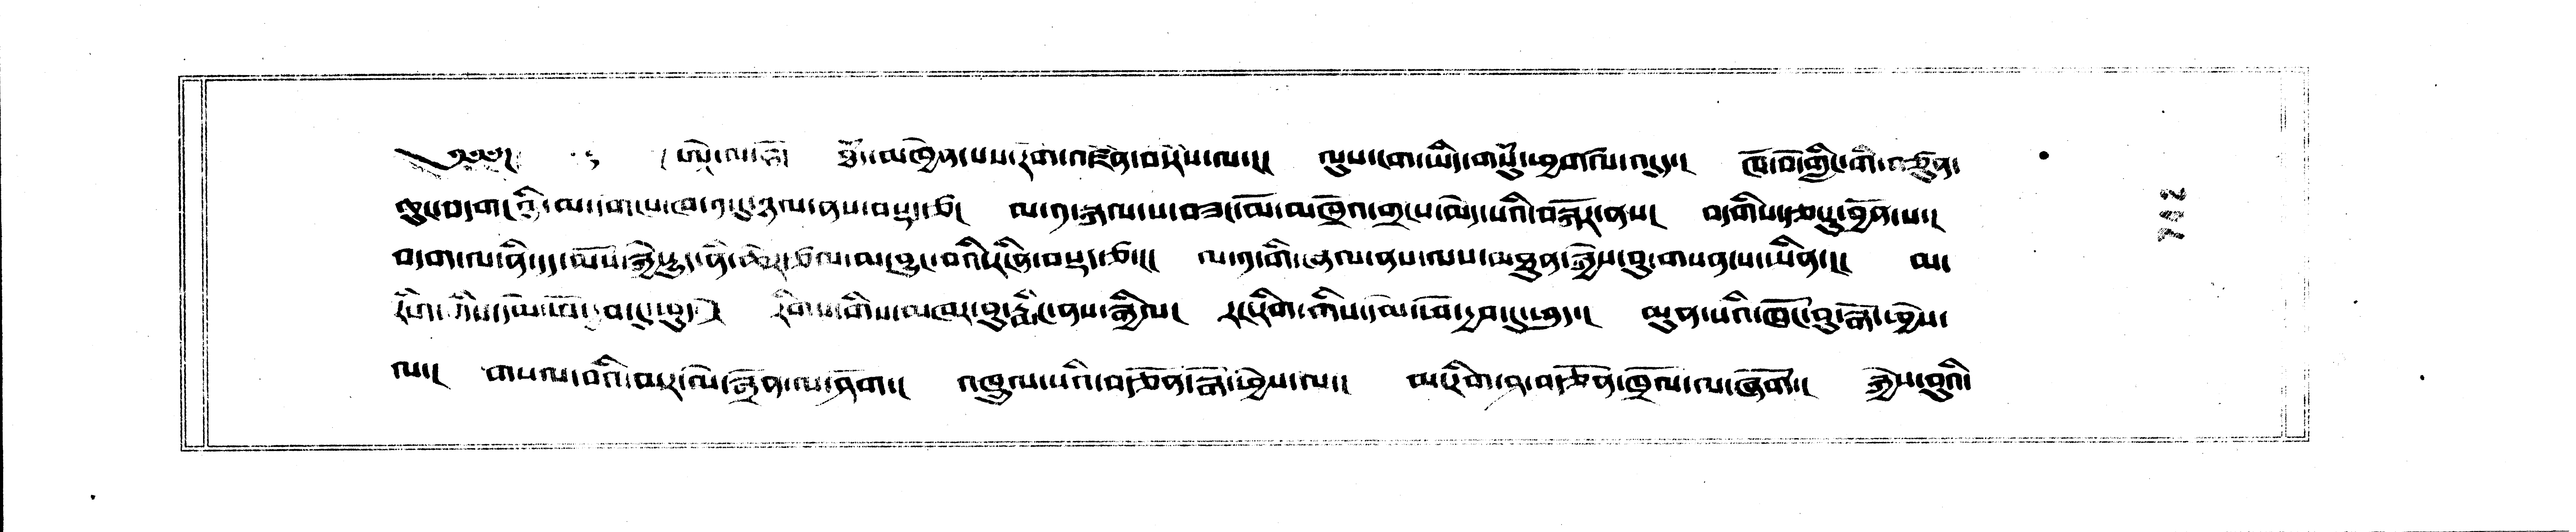ཨེ་མ་ཧོ། ཐམས་ཅད་མཁྱེན་པའི་རིག་འཛིན་བདེར་གཤེགས་ལ། །ལུས་ངག་ཡིད་གསུམ་ཕྱག་འཚལ་འདུད། ཁོ་བོ་གླིང་གི་བཙུན་
ཆུང་བདག ཉི་མ་དགོང་ཁ་ཞིག་ཏུ་ཉལ་ནས་བསྡད་ཙ། མ་གཅིག་སྐལ་པ་བཟང་མོ་མཁའ་འགྲོ་གྲངས་མེད་པས་བསྐོར་ནས། བདག་གི་རྩ་རུ་བྱོན་པ་
བདག་ལ་ནི་དད་མོས་སྐྱེ་རྒྱུ་ནི་ཆེར་ཙམ་མ་བྱུང་བའི་རང་བཞིན་བསྡད་ཙ། མ་གཅིག་གི་ཞལ་ནས། ལས་མཐུན་སྐྱེས་བུ་གསན་པར་ཡིན༼མཛོད༽། མ་
རིག་གི་{ས}མཁར་བུ་རྨེང་ནས་སྒྱིལ། རང་རིག་གི་དམེ་ཕོ་རྒྱབ་ཏུ་ཕུད། མུན་པའི་ཁང་བུ་སྒོ་ཕྱེས་
ལ། གསལ་བའི་མར་མེ་སྒྲོན་ལ་ཤོག འཁྲུལ་པའི་བརྩོན་སྒོ་ཕྱེས་ལ། མ་རིག་ཤ་བརྩོན་ཁྲོལ་ལ་ཞོག སྐྱེས་བུས་